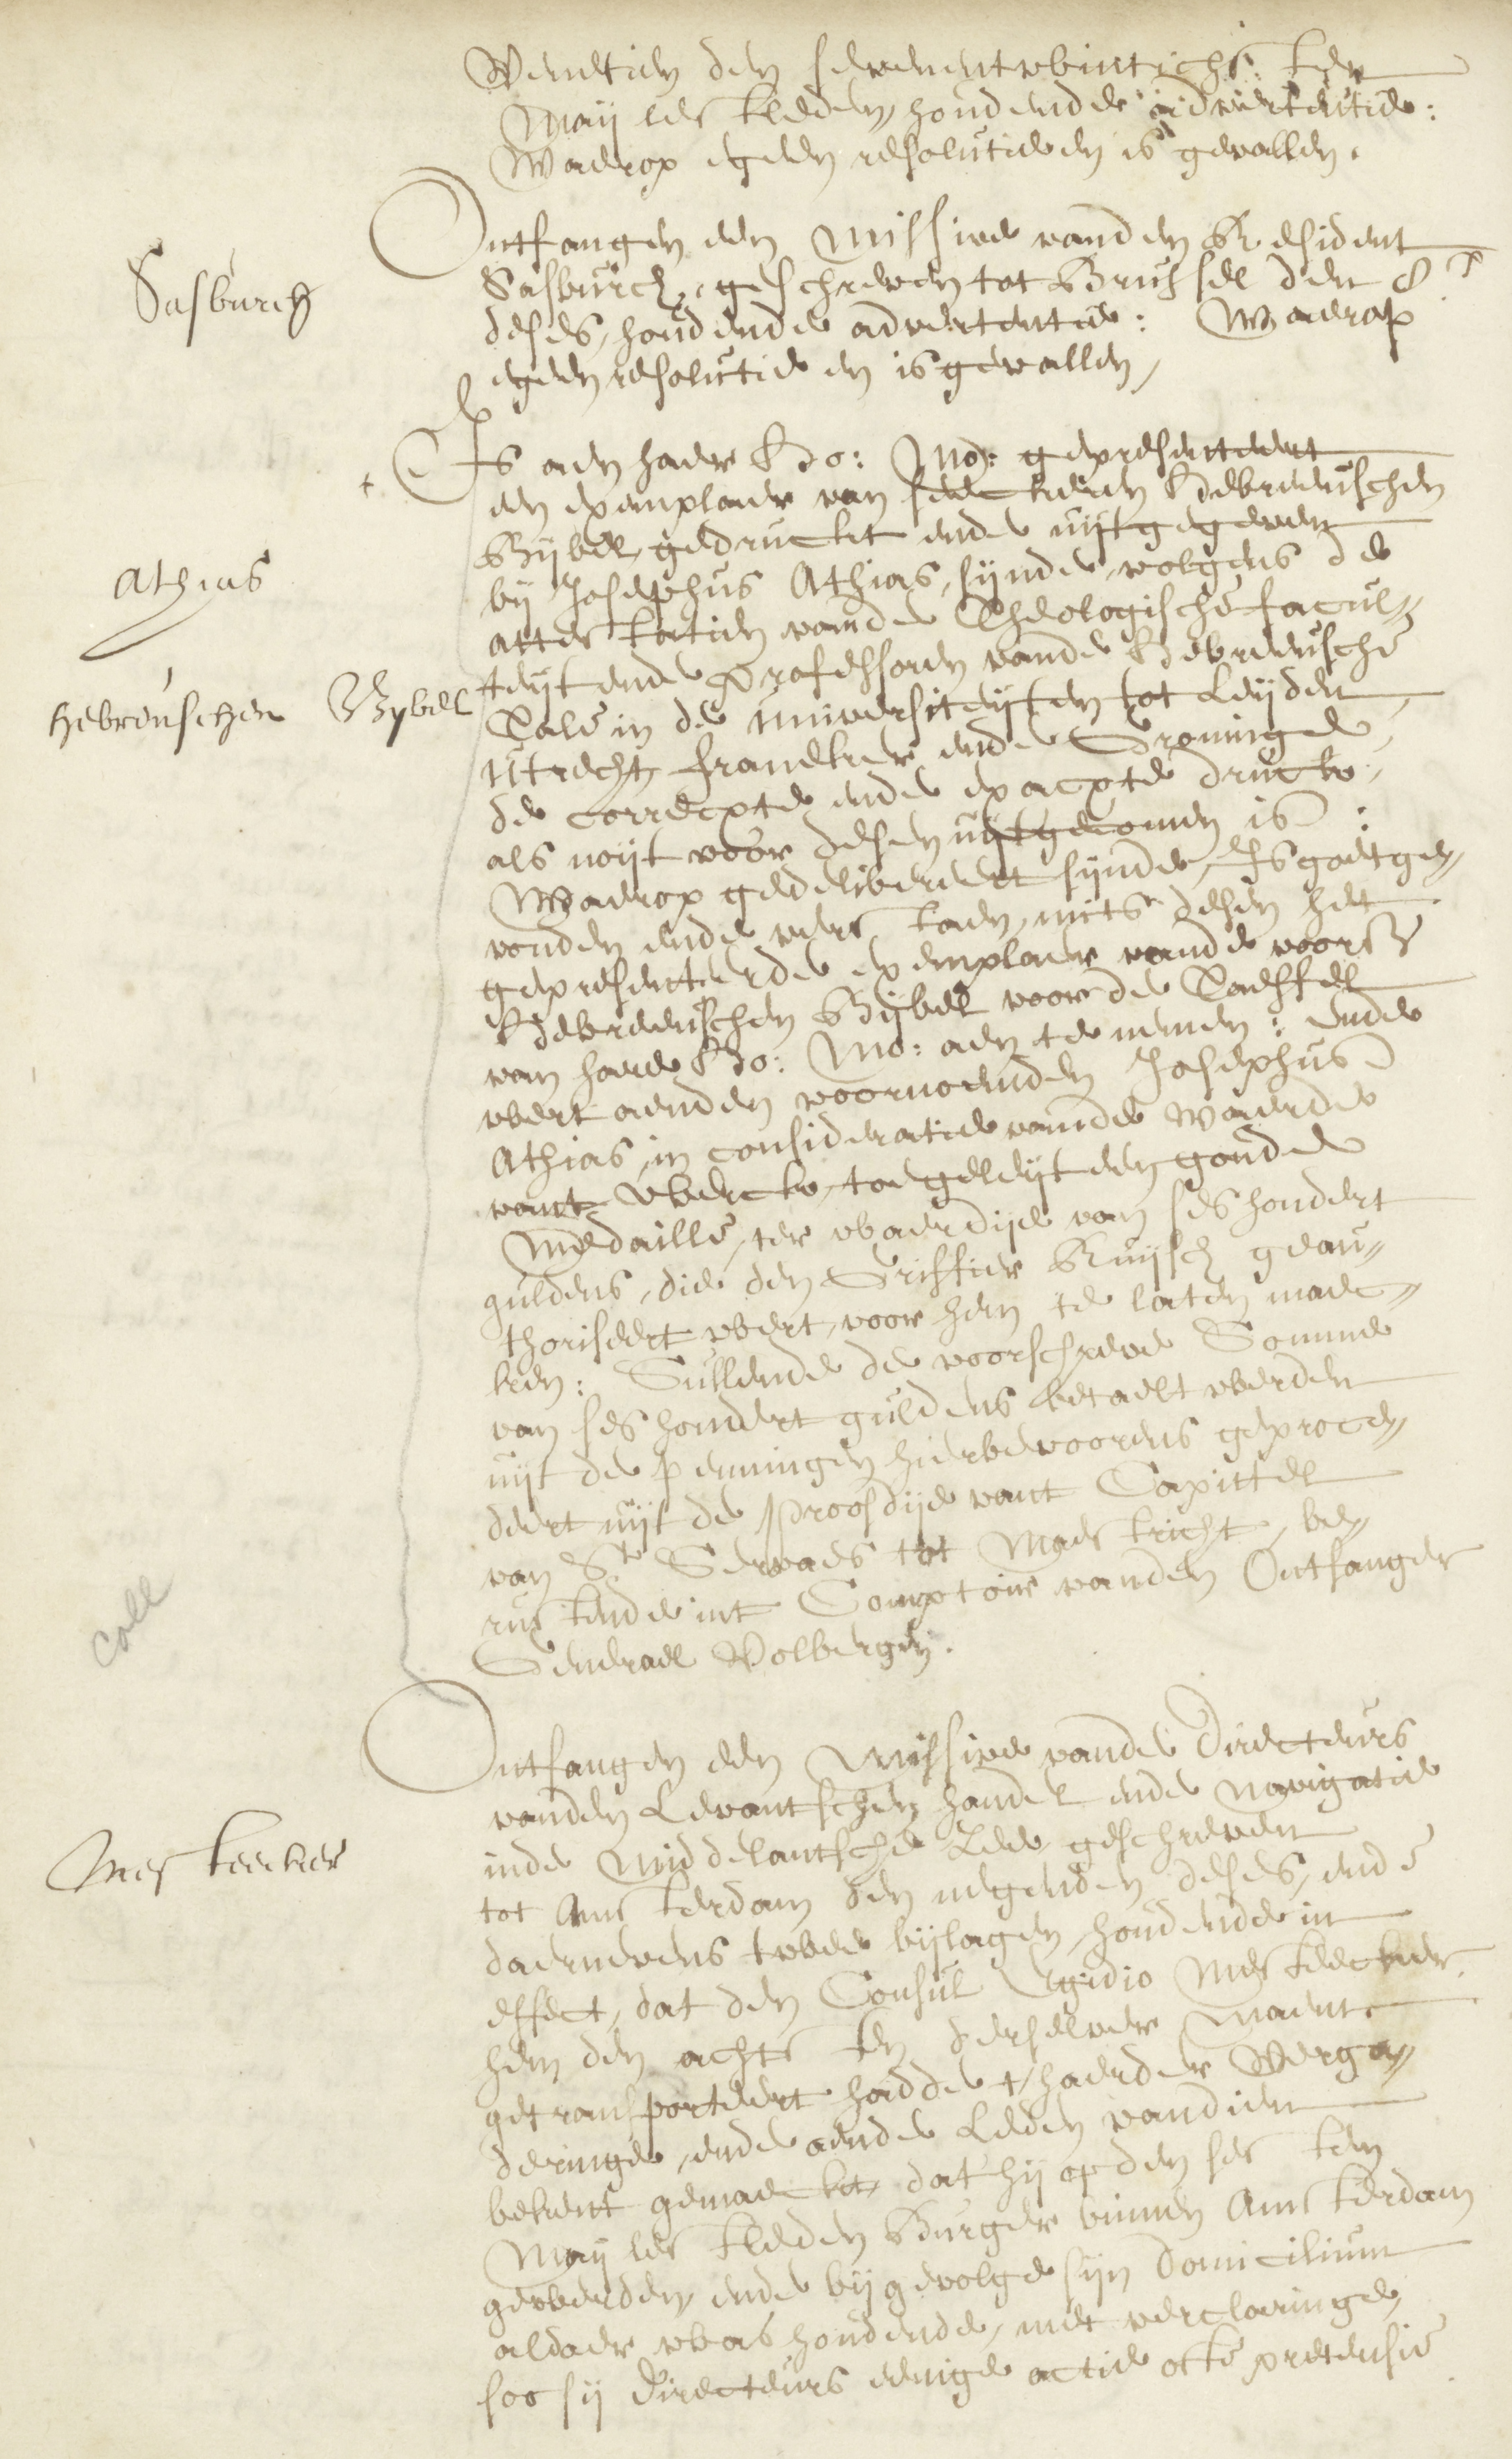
Venetien den sevenentwintichste
Maij lestleden, houdende advertentie:
Waerop egeen resolutie en is gevallen.
Sasburch
Ontfangen een Missive vanden Resident
Sasburch, geschreven tot Brussel den 8e.
deses, houdende advertentie: Waerop
egeen resolutie en is gevallen.
Athias
hebreuschen Bybel
Is aen haer Ho:Mo: gepresenteert
een exemplaer van seeckeren Hebreeuschen
Bijbel, gedruckt ende uijtgegeven
bij Josephus Athias, sijnde, volgens de
attestatien vande Theologische facul„
teijt ende Professoren vande Hebreeusche
Tale in de Universiteijten tot Leijden,
Utrecht, Franeker ende Groninge,
de correcxte ende exacxte druck,
als noijt voor desen uijtgecomen is:
Waerop gedelibereert sijnde, Is goetge„
vonden ende verstaen, mits desen het
gepresenteerde exemplaer vande voors
Hebreeuschen Bijbel voor de Taeffel
van hare Ho:Mo: aen te nemen: Ende
wert aenden voornoemden Joshephus
Athias, in consideratie vande Waerde
vant werck, toegeleijt een goude
medaille, ter waerdije van ses hondert
guldens, die den Griffier Ruijsch geau„
thoriseert wert, voor hem te laten maec„
ken: Sullende de voorschreve Somme
van ses hondert guldens betaelt werden
uijt de penningen hierbevoorens geproce„
deert uijt de Proosdije vant Capittel
van St. Servaes tot Maestricht, be„
rustende int Comptoir vanden Ontfanger
Generael Volbergen.
Mesteecker
Ontfangen een Missive vande Directeurs
vanden Levantschen handel ende navigatie
inde Middelantsche Zee, geschreven
tot Amsterdam den negenden deses, ende
daernevens twee bijlagen, houdende in
effect, dat den Consul Egidio Mesteecker
hem den achtsten derselver maent
getransporteert hadde t'haerder Verga„
deringe, ende aende Leden vandien
bekent gemaeckt, dat hij opden sesten
Maij lestleden Burger binnen Amsterdam
gewerden, ende bijgevolge sijn domicilium
aldaer was houdende, met verclaringe,
soo sij directeurs eenige actie ofte pretensie
